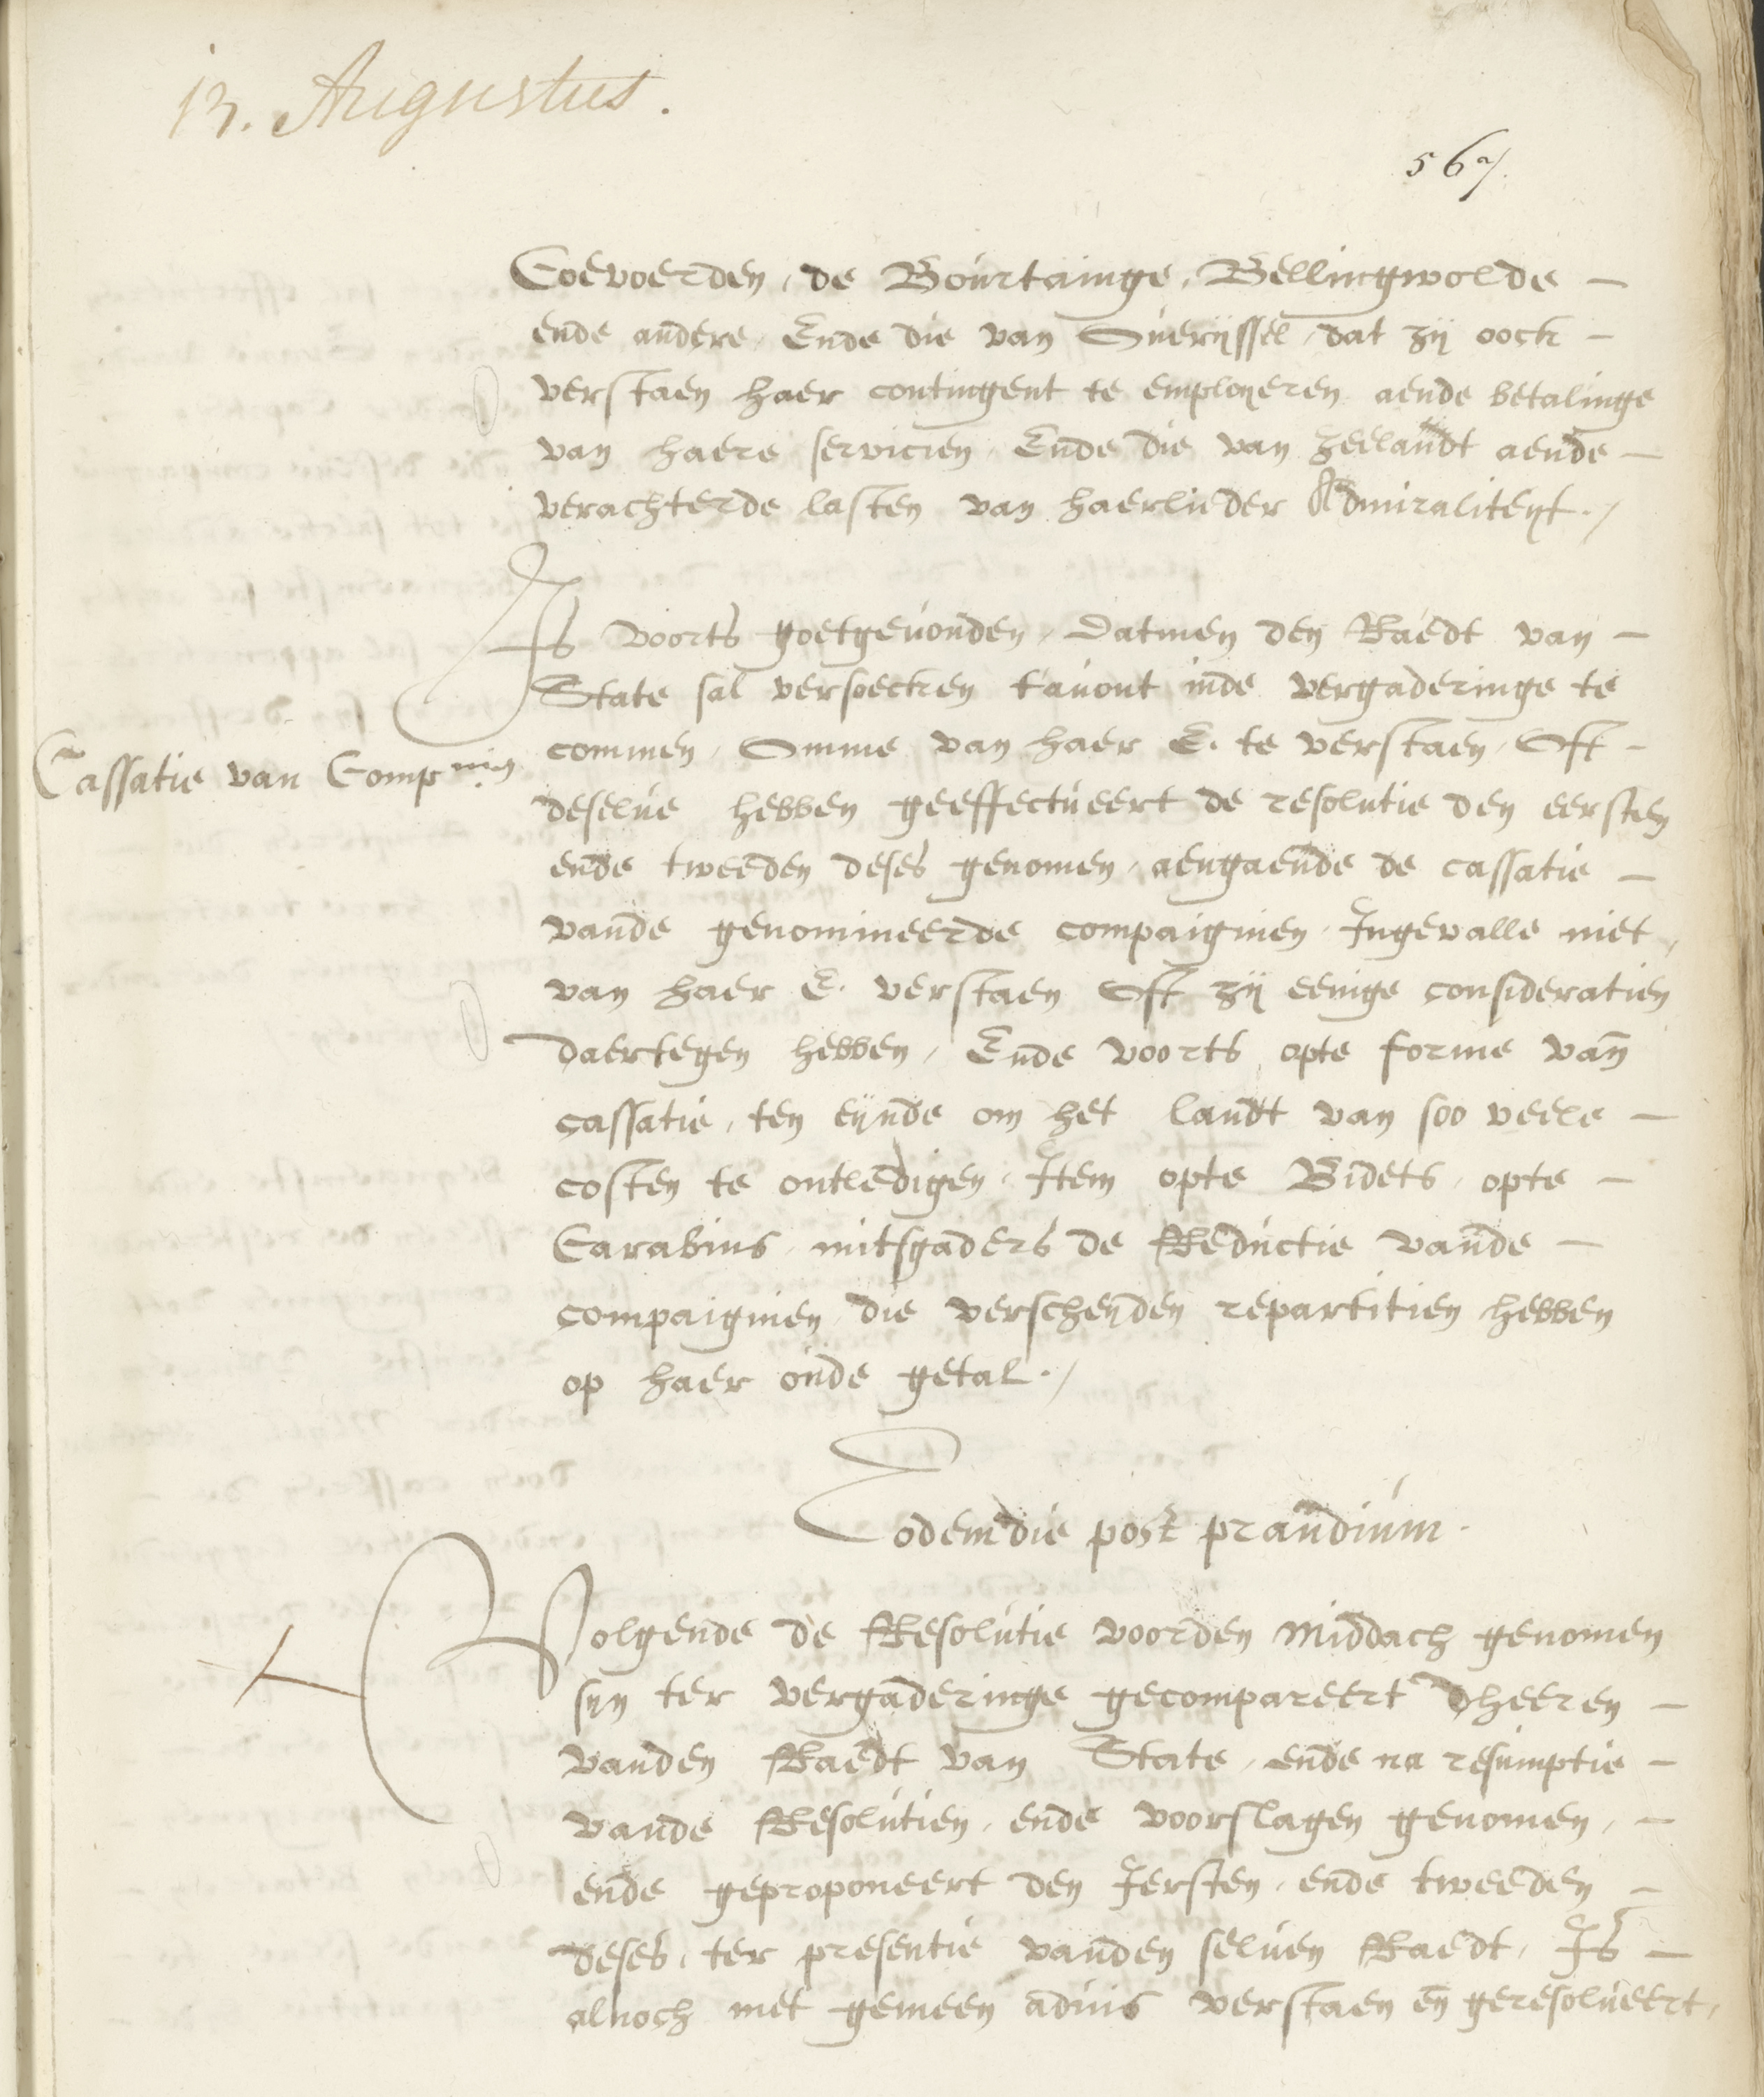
567
13. Augustus.
Coevoerden, de Bourtainge, Bellingwolde
ende andere. Ende die van Ouerijssel, dat zij oock
verstaen haer contingent te employeren aende betalinge
van haere servicien. Ende die van Zeelandt aende
verachterde lasten van haeren der Admiraliteyt.
Cassatie van Compnien
Is voorts goetgeuonden, dat men den Raedt van
State sal versoecken t'auont inde vergaderinge te
commen, omme van haer E. te verstaen, oft
deselue hebben geeffectueert de resolutie den eersten
ende tweeden deses genomen, aengaende de cassatie
van de genomineerde compaignien Ingevalle niet
van haer E. verstaen off zij eenige consideratien
daertegen hebben. Ende voorts opte forme van
cassatie, ten eijnde om het landt van soo veele
costen te ontledigen. Item opte Bidets, opte
Carabins, mitsgaders de reductie vande
compaignien, die verscheyden repartitien hebben
op haer oude getal.
Eodem die post prandium.
Volgende der Resolutie voorden middach genomen
syn ter vergaderinge gecompareert dheeren
vanden Raedt van State, ende na resumptie
vande Resolutien, ende voorslagen genomen,
ende geproponeert den Iersten, ende tweeden
deses, ter presentie vanden seluen Raedt, Is
alnoch met gemeen aduis verstaen end geresolueert
